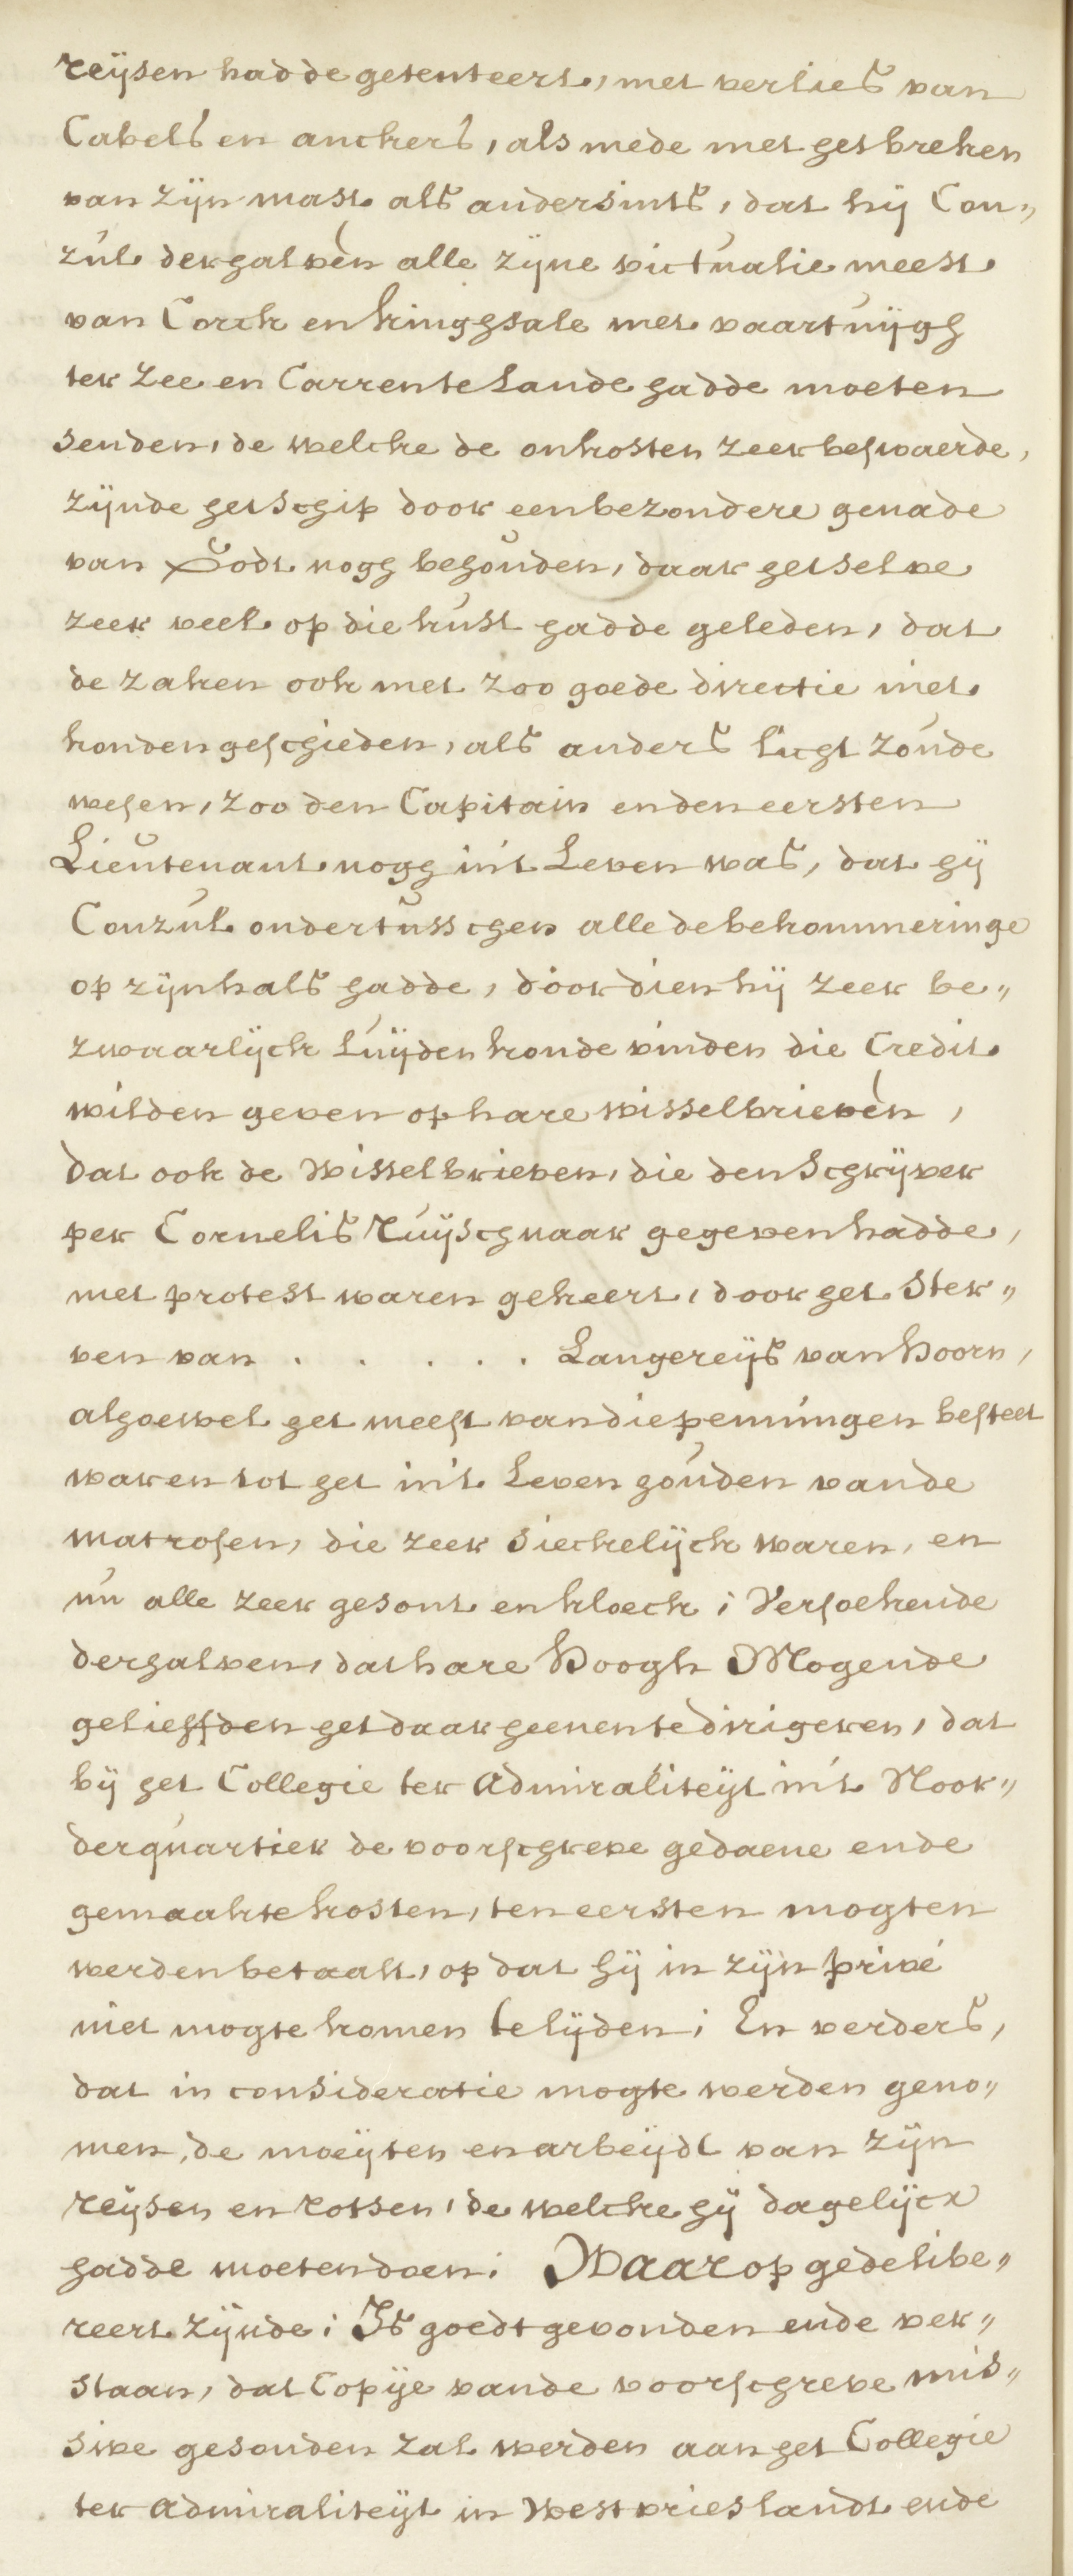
reijsen hadde getenteert, met verlies van
Cabels en anckers, als mede met het breken
van zijn mast als andersints, dat hij Con„
zul derhalven alle zijne victualie meest
van Corck en kinghsale met vaartuijgh
ter zee en Carren te lande hadde moeten
senden, de welcke de onkosten zeer beswaerde,
zijnde het schip door een bezondere genade
van Godt nogh behouden, daar hetselve
zeer veel op die kust hadde geleden, dat
de zaken ook met zoo goede directie niet
konden geschieden, als anders licht zoude
wesen, zoo den Capitain enden eersten
Lieutenant nogh in 't Leven was, dat hij
Conzul ondertusschen alle de bekommeringe
op zijn hals hadde, door dien hij zeer be,,
zwaarlijck luijden konde vinden die Credit
wilden geven op hare wisselbrieven,
dat ook de wisselbrieven, die den schrijver
per Cornelis Ruijschnaar gegeven hadde,
met protest waren gekeert, door het ster„
ven van . . . . . Langereijs van Hoorn,
alhoewel het meest van die penningen besteet
waren tot het in't Leven houden vande
matrosen, die zeer sieckelijck waren, en
nu alle zeer gesont en kloeck; Versoekende
derhalven, dat hare Hoogh Mogende
gelieffden het daar heenen te dirigeren, dat
bij het Collegie ter Admiraliteijt int Noor„
derquartier de voorschreve gedaene ende
gemaakte kosten, ten eersten mogten
werden betaalt, op dat hij in zijn prive
niet mogte komen te lijden; En verders,
dat in consideratie mogte werden geno„
men de moeijten en arbeijdt van zijn
reijsen en rotsen, de welcke hij dagelijcx
hadde moeten doen: Waarop gedelibe„
reert zijnde: Is goedtgevonden ende ver„
staan, dat copije vande voorschreve mis„
siwe gesonden zal werden aan het Collegie
ter admiraliteijt in Westvrieslandt ende
